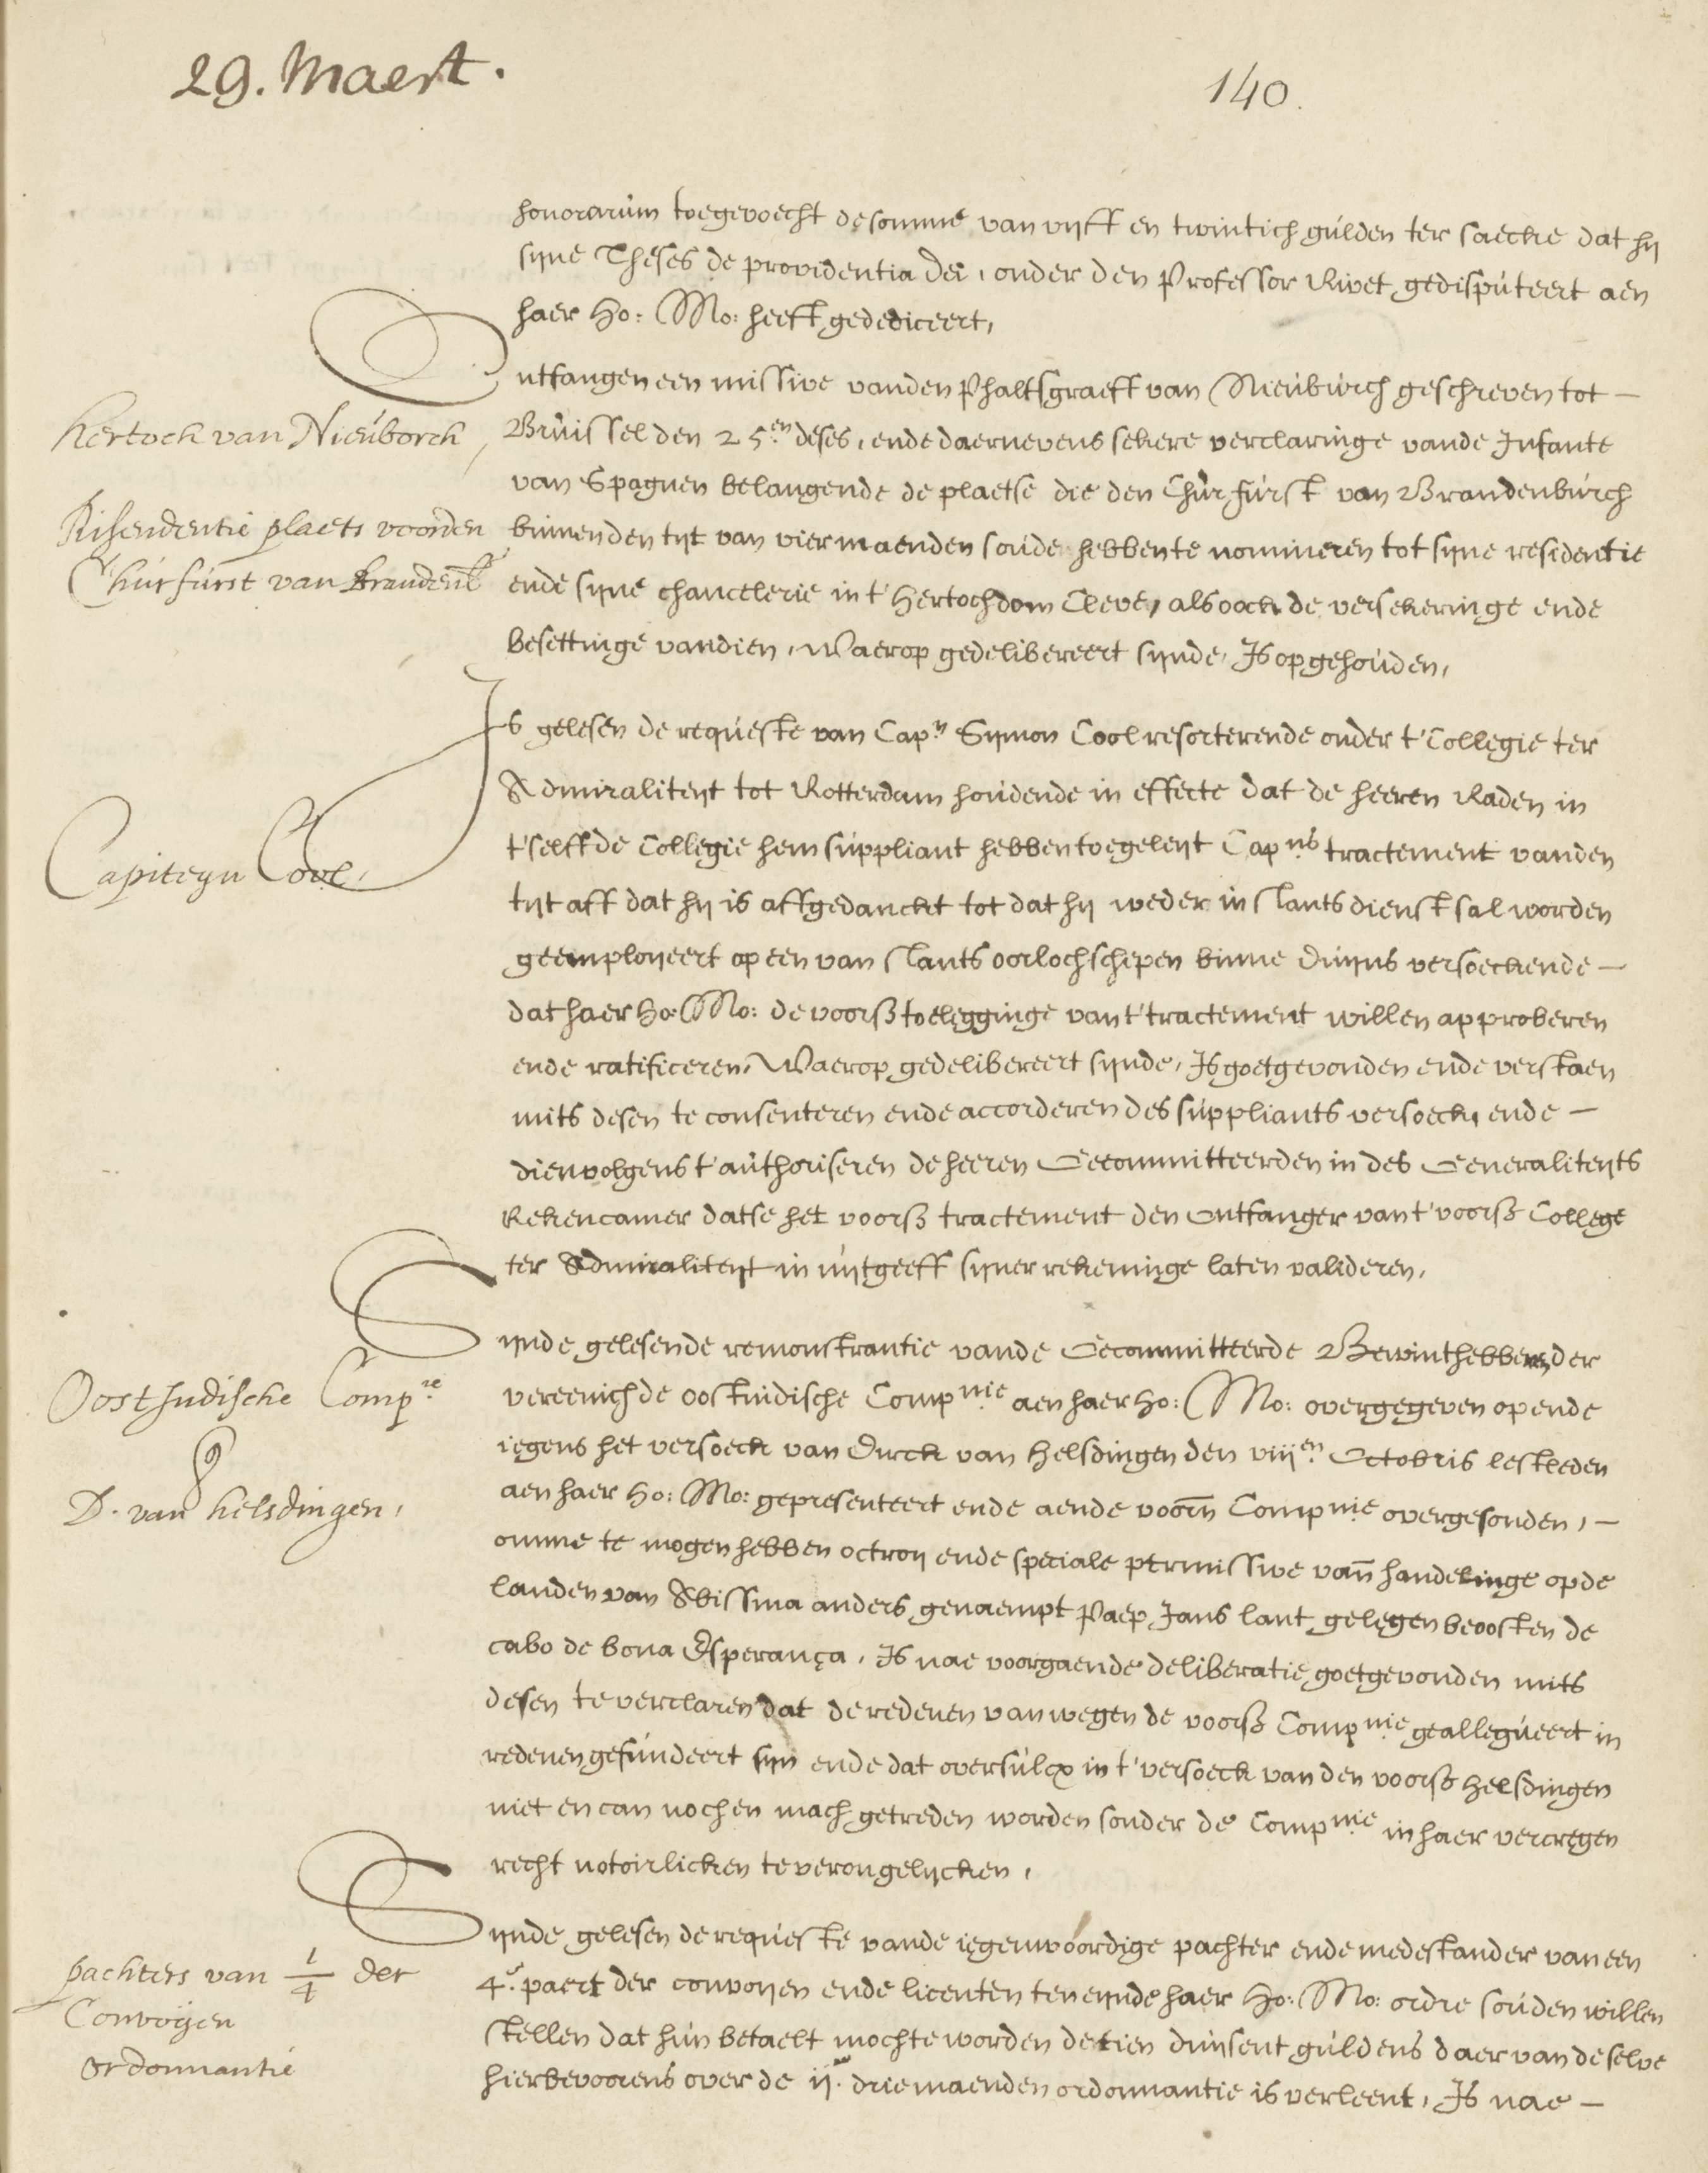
140.
29. Maert.
honorarum toegevoecht de somme van vyff en twintich gulden ter saecke dat hy
syne Theses de providentia dei, onder den Professor Rivet gedisputeert aen
haer Ho:Mo: heeft gedediceert.
hertoch van Nieuborch
Risendentie plaets voorden
Churfurst van Brandenb
Ontfangen een missive vanden Phaltsgraeff van Nieuburch geschreven tot
Bruissel den 25en. deses, ende daernevens sekere verclaringe vande Infante
van Spagnen belangende de plaetse die den Churfurst van Brandenburch
binnen den tyt van vier maenden souden hebben te nomineren tot syne residentie
ende syne chancelerie in t'Hertochdom Cleve, als oock de versekeringe ende
besettinge vandien. Waerop gedelibereert synde, Is opgehouden.
Capiteyn Cool
Is gelesen de requeste van Capn. Symon Cool resorterende onder t'Collegie ter
Admiraliteyt tot Rotterdam houdende in effecte dat de heeren Raden in
t'selffde Collegie hem suppliant hebben toegeleyt Capns. tractement vanden
tyt aff dat hy is affgedanckt tot dat hy weder in slants dienst sal worden
geemployeert op een van slants oorlochschepen binne duyns versoeckende
dat haer Ho:Mo: de voors toelegginge van t' tractement willen approberen
ende ratificeren. Waerop gedelibereert synde, Is goetgevonden ende verstaen
mits desen te consenteren ende accorderen des suppliants versoeck ende
dienvolgens t'authoriseren de heeren Gecommitteerden in des Generaliteyts
Rekencamer datse het voors tractement den Ontfanger van t' voors College
ter Admiraliteyt in uytgeeff syner rekeninge laten valideren.
OostIndische Compie.
Ca
D. van helsdingen.
Synde gelesen de remonstrantie vande Gecommitteerde Bewinthebberen der
vereenichde oostindische Compnie. aen haer ho:Mo: overgegeven op ende
iegens het versoeck van Dirck van Helsdingen den viijen. Octobris lestleden
aen haer ho:Mo: gepresenteert ende aende voorn Compnie. overgesonden,
omme te mogen hebben octroy ende speciale permissive van handelinge opde
landen van Abissina anders genaempt Paep Jans lant gelegen beoosten de
cabo de bona Esperança. Is nae voorgaende deliberatie goetgevonden mits
desen te verclaren dat de redenen van wegen de voors Compnie. geallegueert in
redenen gefundeert syn ende dat oversulcx in t'versoeck van den voors helsdingen
niet en can noch en mach getreden worden sonder de Compnie. in haer vercregen
recht notoirlicken te verongelycken.
pachters van ¼ der
Convoijen
ordonnantie
Synde gelesen de requeste vande iegenwoordige pachter ende medestander van een
4e. paert der convoyen ende licenten ten eynde haer Ho:Mo: ordre souden willen
stellen dat hun betaelt mochte worden dertien duysent guldens daer van deselve
hierbevoorens over de ije. drie maenden ordonnantie is verleent. Is nae
